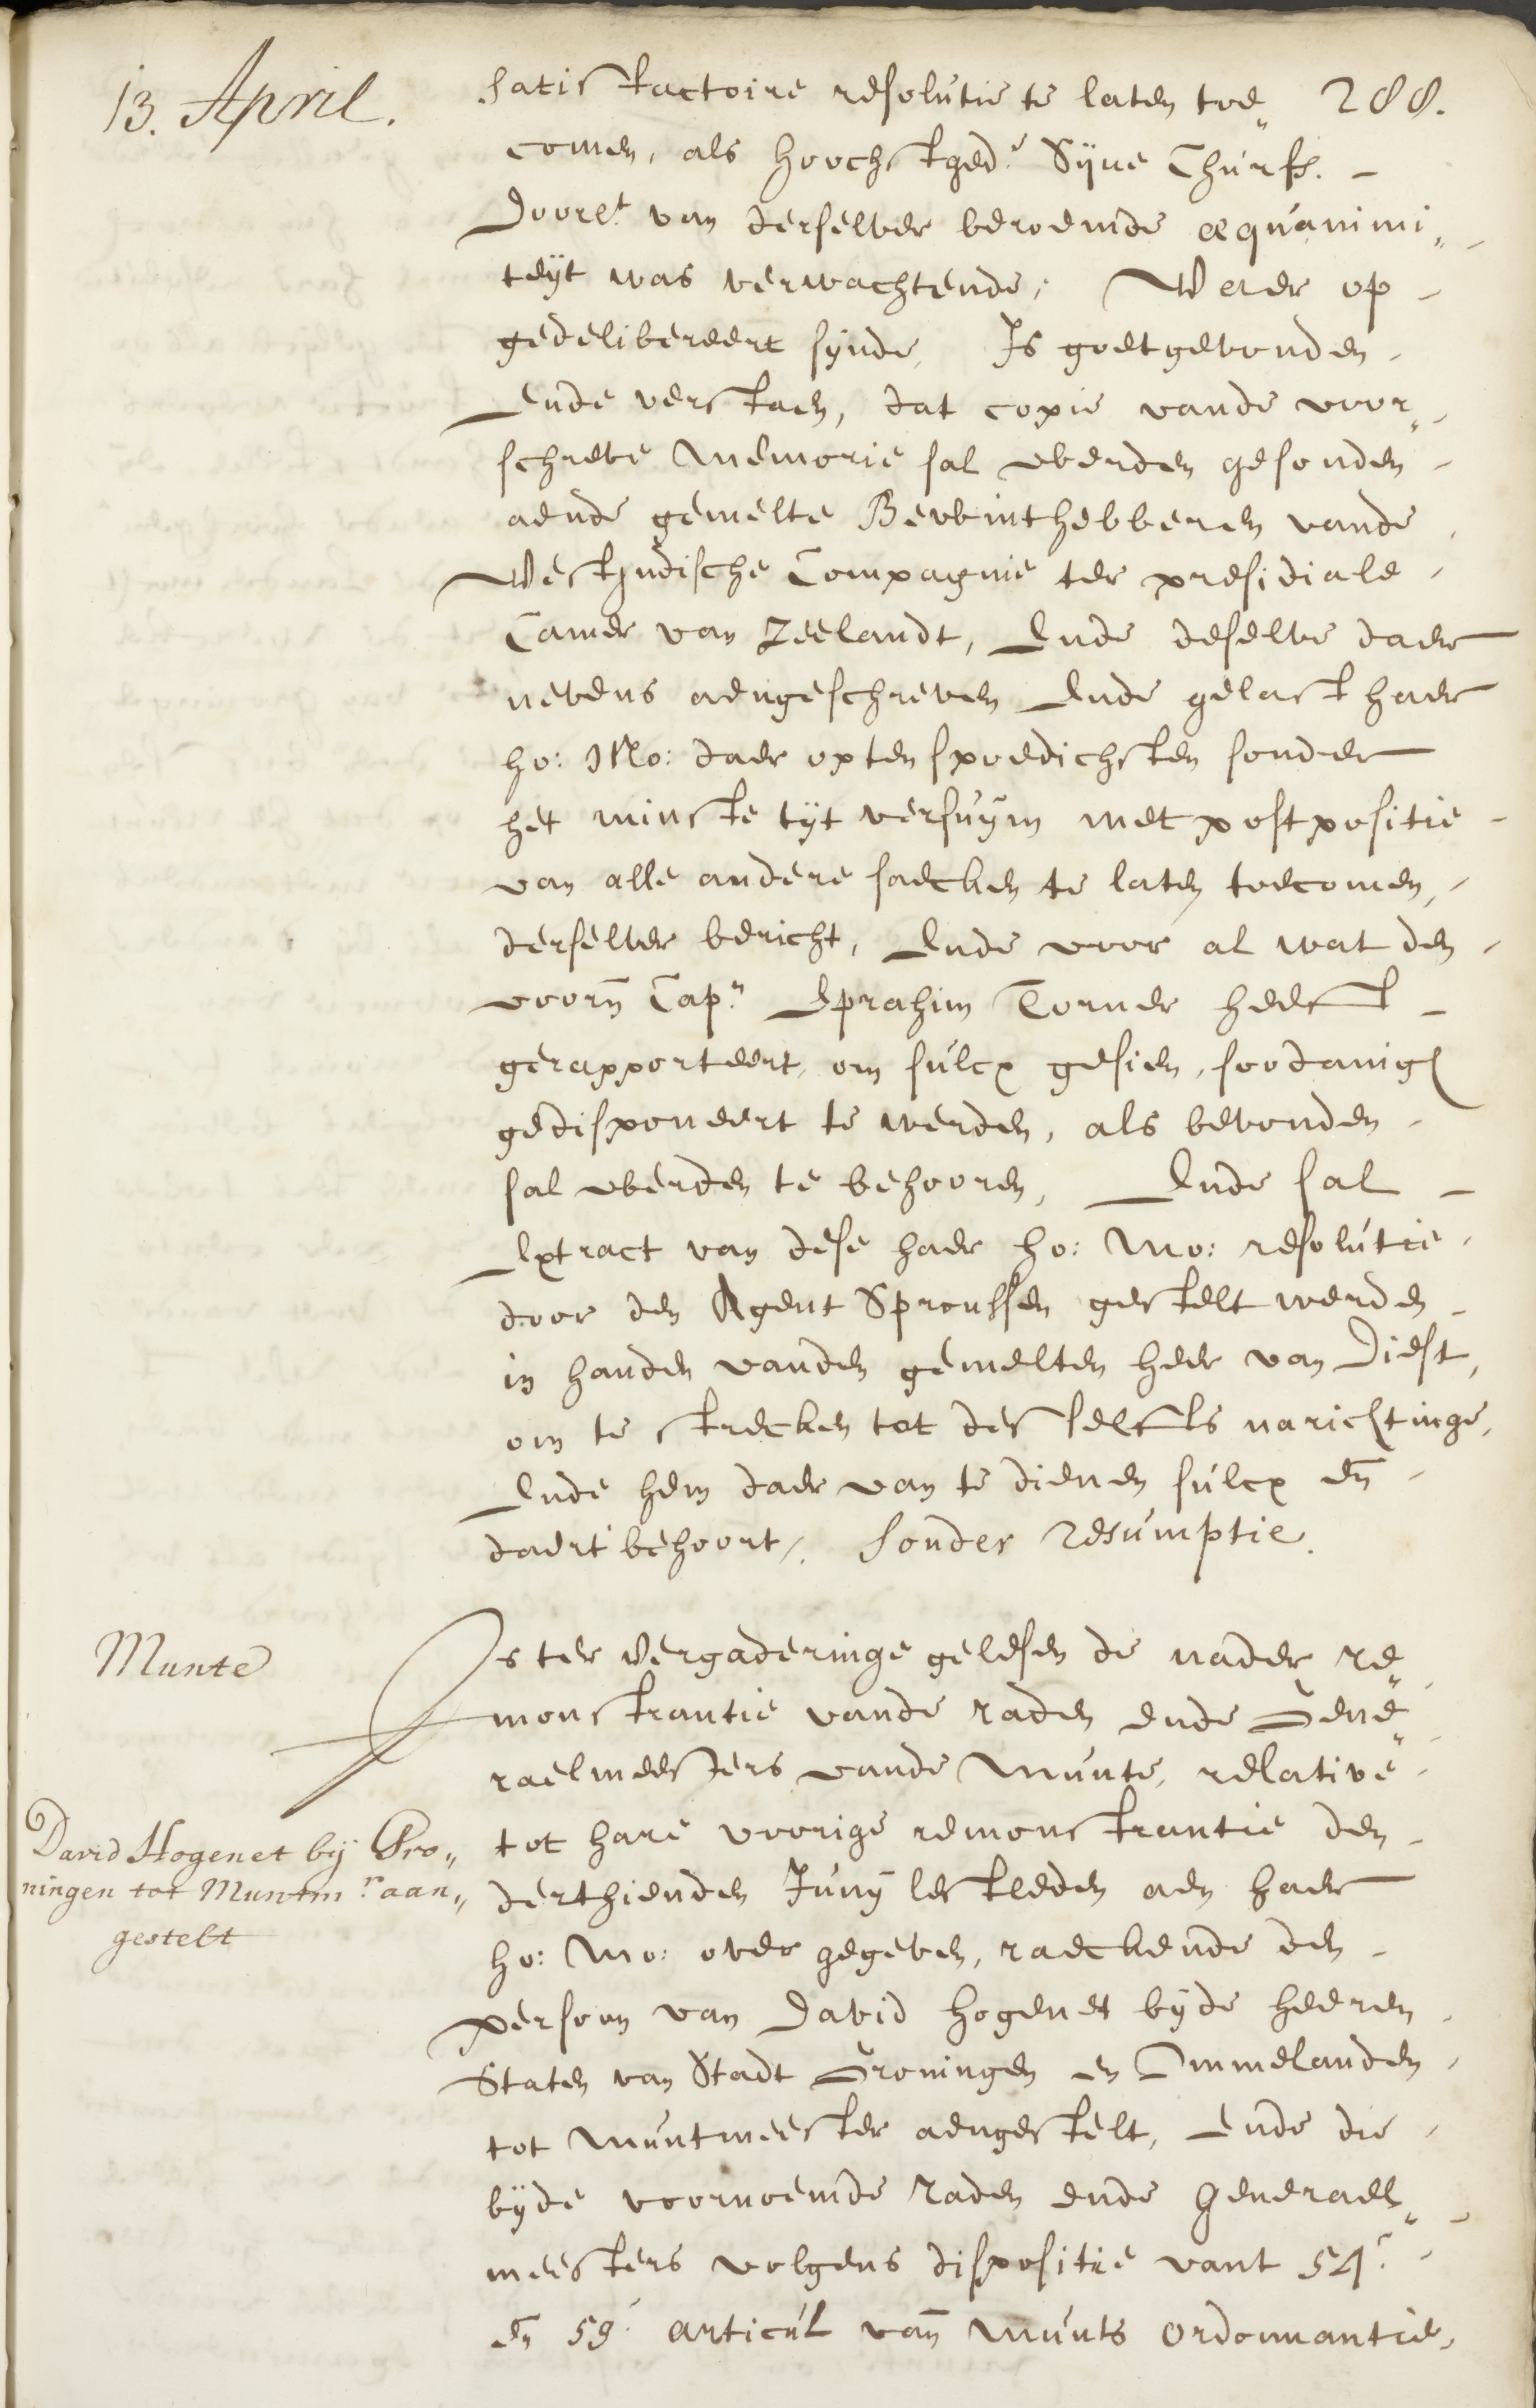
288.
13. April.
satisfactoire resolutie te laten toe„
comen, als hoochstgede Sijne Churf.-
Doorlt. van derselver beroemde æquanimi„
teijt was verwachtende; Waer op
gedelibereert sijnde, Is goetgevonden
ende verstaen, dat copie vande voor„
schreve memorie sal werden gesonden
aende gemelte Bewinthebberen vande
Westindische Compagnie ter presidiale
Camer van Zeelandt, Ende deselve daer
nevens aengeschreven ende gelast haer
ho:Mo: daer opten spoedichsten sonder
het minste tijt versuijm met postpositie
van alle andere saecken te laten toecomen,
derselver bericht, ende voor al wat den
voorn Capn. Eprahim Torner heeft
gerapporteert, om sulcx gesien, soodanigh
gedisponeert te werden, als bevonden
sal werden te behooren. Ende sal
Extract van dese haer ho:Mo: resolutie
door den Agent Spronssen gestelt werden
in handen vanden gemelten heer van Diest,
om te strecken tot desselffs narichtinge
ende hem daer van te dienen sulcx en
daert‛ behoort, sonder resumptie.
Munte
David Hogenet bij Gro„
ningen tot Muntmr. aan„
gestelt
Is ter Vergaderinge gelesen de nader re„
monstrantie vande raden ende Gene„
raelmeesters vande Munte, relative
tot hare voorige remonstrantie den
derthienden Junij lestleden aen haer
ho:Mo: over gegeven, raeckende den
persoon van David hogenet bijde heeren
Staten van Stadt Groningen en Ommelanden
tot Muntmeester aengestelt, ende die
bijde voornoemde raden ende generael„
meesters volgens dispositie vant 54e.
en 59e. articul van Munts ordonnantie,
